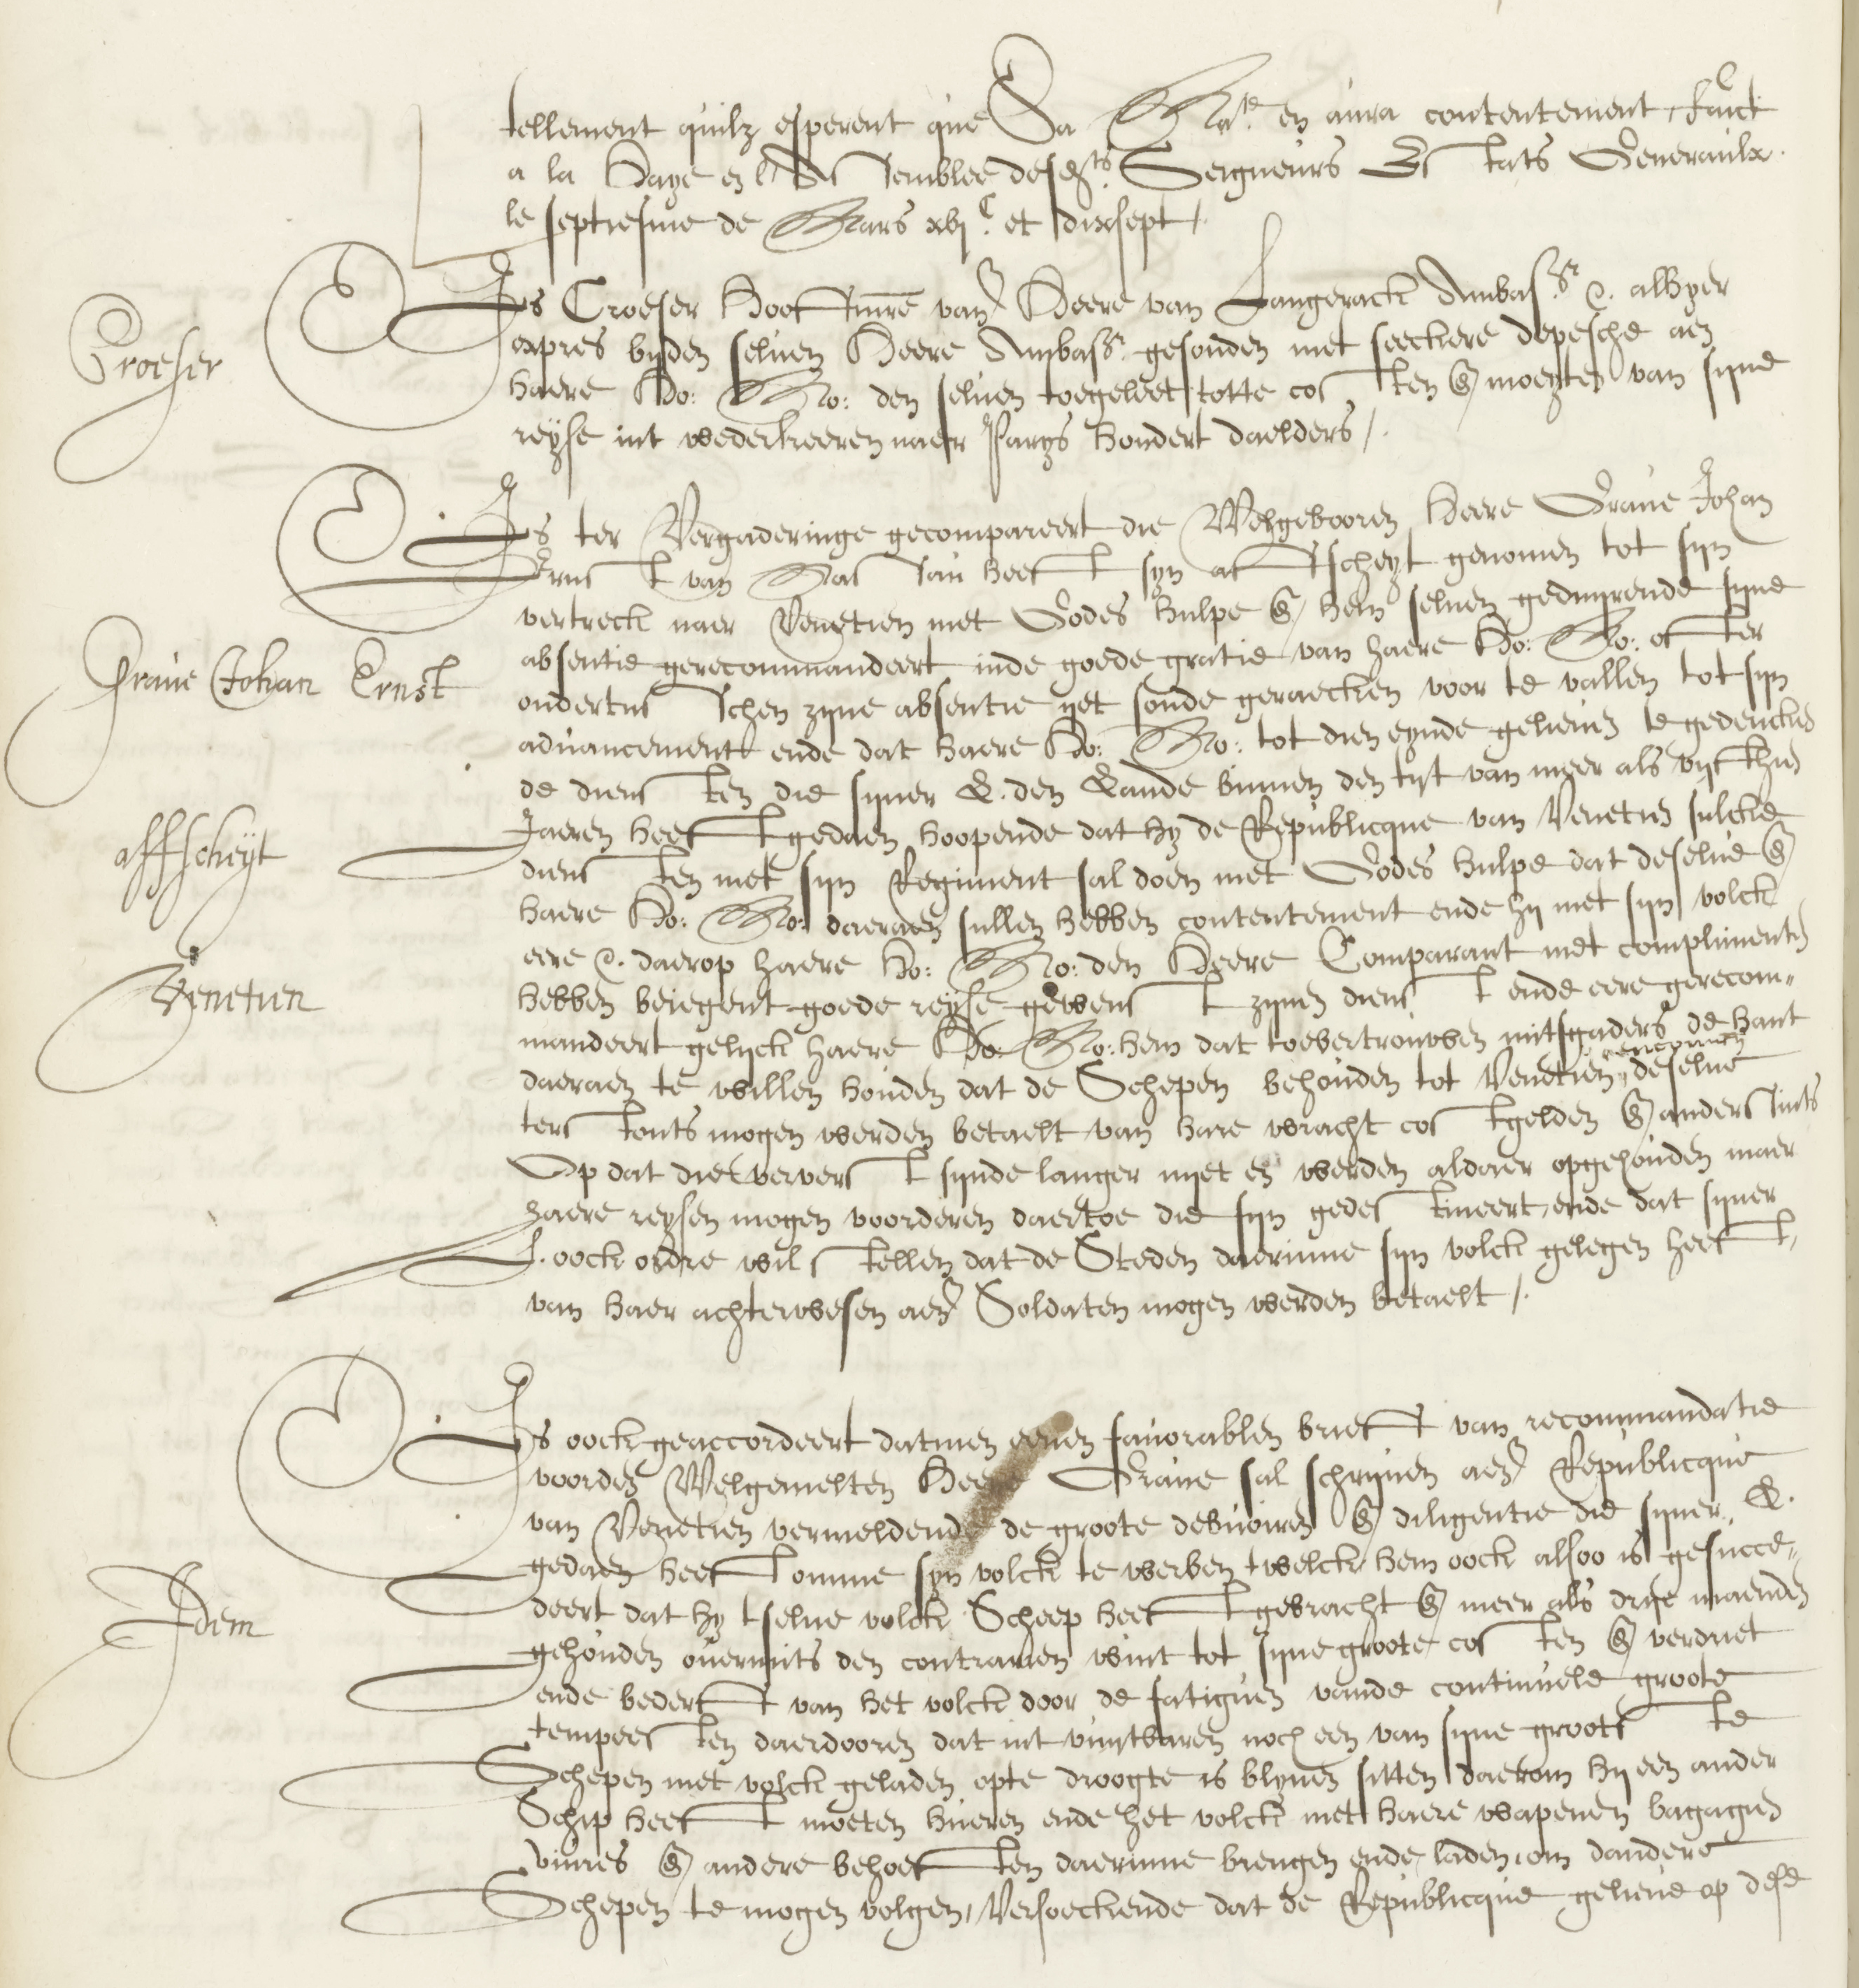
Croeser
tellement quilz esperent que Sa Mate. en aura contentement, faict
a la Haye en l'Assemblee desdts. Seigneurs Estats Generaulx
le septiesme de Mars xvic et dixsept.
Is Croeser Hooftmre van heere van Langerack Ambasr. alhyer
expres byden seluen Heere Ambasr. gesonden met seeckere depesche aen
haere Ho:Mo: den seluen toegeleet totte costen & moeyten van syne
reijse int wederkeeren naer Parys hondert daelders.
Graue Johan Ernst
affscheijt
Venetien
Is ter vergaderinge gecompareert die Welgebooren heere Graue Johan
Ernst van Nassau heeft syn affscheyt genomen tot syn
vertreck naer Venetien met Godes hulpe & hem seluen geduyrende syne
absentie gerecommandeert inde goede gratie van haere Ho:Mo: offer
ondertusschen zyne absentie yet soude geraecken voor te vallen tot syn
aduancement ende dat haere Ho:Mo: tot dien eynde gelieuen te gedencken
de diensten die syner L. den Lande binnen den tyt van meer als vyfthien
Jaeren heeft gedaen hoopende dat hy de Republicque van Venetien sulcke
diensten met zijn Regiment sal doen met Godes hulpe dat deselue &
haere Ho:Mo: daeraen sullen hebben contentement ende hy met syn volck
eere & daerop haere Ho:Mo: den heere Comparant met complimenten
hebben beiegent goede reijse gewenst zynen dienst ende eere gerecom„
mandeert gelyck haere Ho:Mo: hem dat toevertrouwen mitsgaders de hant
,, aencomen
daeraen te willen houden dat de Schepen behouden tot Venetien ,, deselue
terstonts mogen werden betaelt van hare vracht costgelden & anderssints
Op dat diet ververst synde langer nyet en werden aldaer opgehouden maer
haere reysen mogen voorderen daertoe die syn gedestineert, ende dat syner
L. oock ordre wil stellen dat de Steden daerinne syn volck gelegen heeft,
van haer achterwesen aen Soldaten mogen werden betaelt.
Idem
Is oock geacordeert datmen eenen fauorablen brieff van recommandatie
voorden Welgemelten heere Graue sal schryuen aen Republicque
van Venetien vermeldende de groote debuoiren ende diligentie die syner E.
gedaen heeft omme syn volck te werven 'twelck hem oock alsoo is gesucce„
deert dat hy tselue volck Scheep heeft gebracht & meer als drye maenden
gehouden ouermits den contrairen wint tot syne groote costen & verdriet
ende bederff van het volck door de fatiguen vande continuele groote
tempeesten daerdooren dat int vuytvaren noch een van syne grootste
Schepen met volck geladen opte droogte is blyuen sitten daerom hy een ander
Schip heeft moeten hueren ende het volck met haere wapenen bagagen
vinres & andere behoeften daerinne brengen ende laden, om dandere
Schepen te mogen volgen. Versoeckende dat de Republicque gelieue op dese
